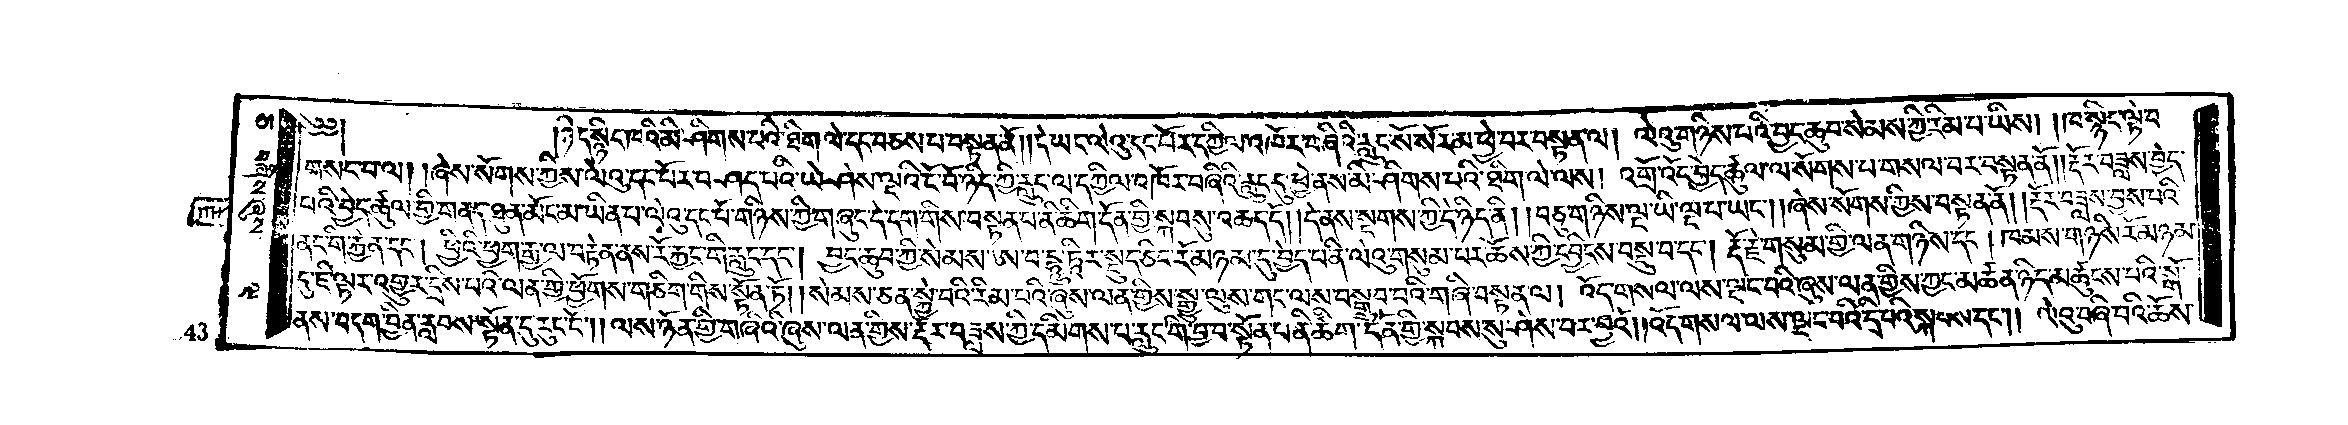༄༅། །ཉིད་སྙིང་གའི་མི་ཤིགས་པའི་ཐིག་ལེ་དང་བཅས་པ་བསྟན་ནོ། །དེ་ཡང་ལེའུ་དང་པོར་དཀྱིལ་འཁོར་བཞིའི་རླུང་སོ་སོར་མ་ཕྱེ་བར་བསྟན་ལ། ལེའུ་གཉིས་པའི་བྱང་ཆུབ་སེམས་ཀྱི་རིམ་པ་ཡིས། །ཁ་སྙིང་ལྟེ་བ་
གསང་བ་ལ། །ཞེས་སོགས་ཀྱིས་ལེའུ་དང་པོར་བཤད་པའི་ཡེ་ཤེས་ལྔའི་ངོ་བོ་ཉིད་ཀྱི་རླུང་ལ་དཀྱིལ་འཁོར་བཞིའི་རླུང་དུ་ཕྱེ་ནས་མི་ཤིགས་པའི་ཐིག་ལེ་ལས། འགྲོ་འོང་བྱེད་ཚུལ་ལ་སོགས་པ་གསལ་བར་བསྟན་ནོ། །རྡོར་བཟླས་བྱེད་
པའི་བྱེད་ཚུལ་གྱི་གནད་ཐུན་མོང་མ་ཡིན་པ་ལེའུ་དང་པོ་གཉིས་ཀྱི་གཞུང་དེ་དག་གིས་བསྟན་པ་ནི་ཚིག་དོན་གྱི་སྐབས་སུ་འཆད་དོ། །དེ་ནས་སྔགས་ཀྱི་དེ་ཉིད་ནི། །བཅུ་གཉིས་ལྔ་ཡི་ལྔ་པ་ཡང་། །ཞེས་སོགས་ཀྱིས་བསྟན་ནོ། །རྡོར་བཟླས་བྱས་པའི་
ནང་གི་རྐྱེན་དང་། ཕྱིའི་ཕྱག་རྒྱ་ལ་བརྟེན་ནས་རོ་རྐྱང་གི་རླུང་དང་། བྱང་ཆུབ་ཀྱི་སེམས་ཨ་བ་དྷཱུ་ཏཱིར་སྡུད་ཅིང་རོ་མཉམ་དུ་བྱེད་པ་ནི་ལེའུ་གསུམ་པར་ཆོས་ཀྱི་དབྱིངས་བསྡུ་བ་དང་། རྡོ་རྗེ་གསུམ་གྱི་ལན་གཉིས་དང་། ཁམས་གཉིས་རོ་མཉམ་
དུ་ཇི་ལྟར་འགྱུར་དྲིས་པའི་ལན་གྱི་ཕྱོགས་གཅིག་གིས་སྟོན་ཏོ། །སེམས་ཅན་སྐྱེ་བའི་རིམ་པའི་ཞུས་ལན་གྱིས་སྒྱུ་ལུས་གང་ལས་བསྒྲུབ་པའི་གཞི་བསྟན་ལ། འོད་གསལ་ལས་ལྡང་བའི་ཞུས་ལན་གྱིས་ཀྱང་མཚན་ཉིད་མཚུངས་པའི་སྒོ་
ནས་བདག་བྱིན་རླབས་སྟོན་དུ་རུང་ངོ། །ལས་ཉོན་གྱི་གཞིའི་ཞུས་ལན་གྱིས་རྡོར་བཟླས་ཀྱི་དམིགས་པ་རླུང་གི་བྱ་བ་སྟོན་པ་ནི་ཚིག་དོན་གྱི་སྐབས་སུ་ཤེས་པར་བྱའོ། །འོད་གསལ་ལས་ལྡང་བའི་དྲི་པའི་སྐབས་དང་། །ལེའུ་བཞི་བའི་ཆོས་